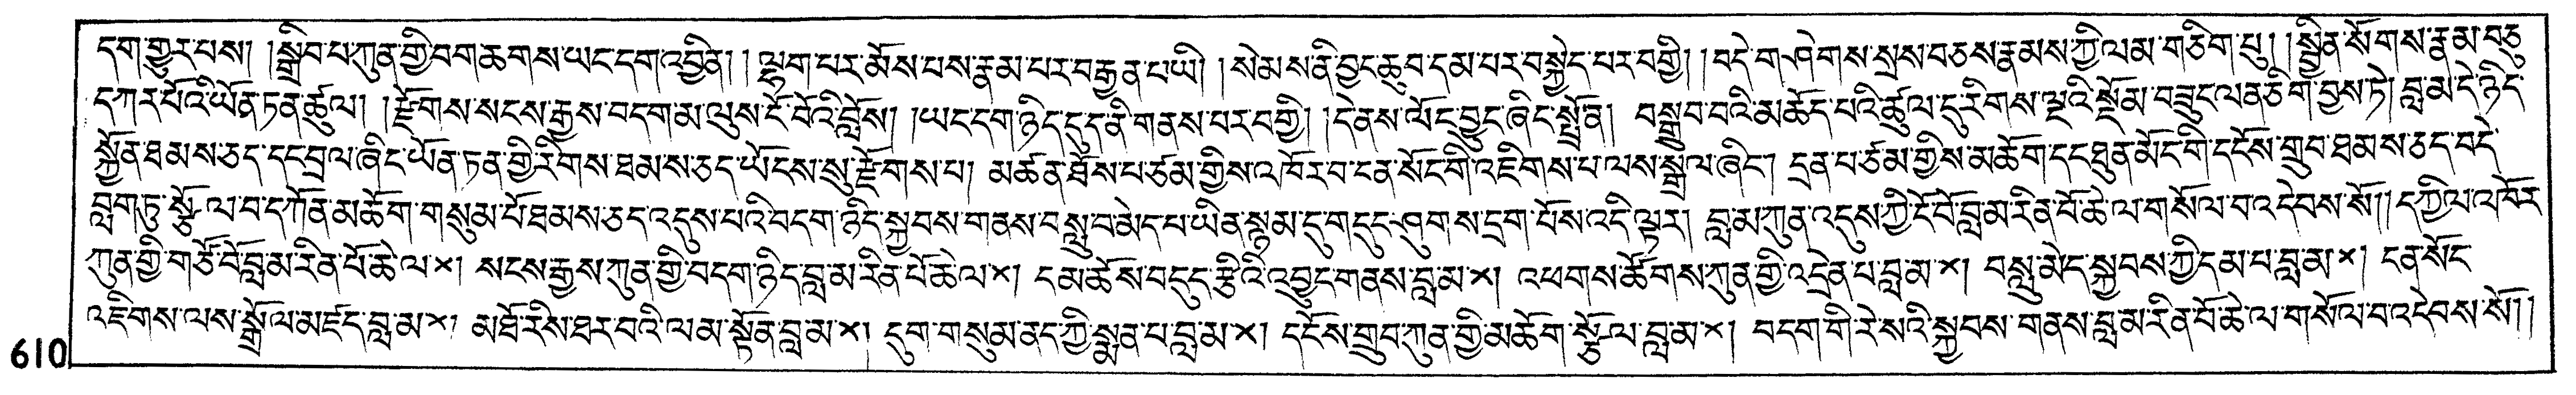དག་གྱུར་པས། །སྒྲིབ་པ་ཀུན་གྱི་བག་ཆགས་ཡང་དག་འབྱིན། །ལྷག་པར་མོས་པས་རྣམ་པར་བརྒྱན་པ་ཡི། །སེམས་ནི་བྱང་ཆུབ་དམ་པར་བསྐྱེད་པར་བགྱི། །བདེ་གཤེགས་སྲས་བཅས་རྣམས་ཀྱི་ལམ་གཅིག་པུ། །སྦྱིན་སོགས་རྣམ་བཅུ་
དཀར་པོའི་ཡོན་ཏན་ཚུལ། །རྫོགས་སངས་རྒྱས་བདག་མ་ལུས་ངོ་བོའི་བློས། །ཡང་དག་ཉིད་དུ་ད་ནི་གནས་པར་བགྱི། །དེ་ནས་ལོང་བྱུང་ཞིང་སྤྲོ་ན། བསྒྲུབ་བའི་མཆོད་པའི་ཚུལ་དུ་རིགས་ལྔའི་སྡོམ་བཟུང་ལན་ཅིག་བྱས་ཏེ། བླ་མ་དེ་ཉིད་
སྐྱོན་ཐམས་ཅད་དང་བྲལ་ཞིང་ཡོན་ཏན་གྱི་རིགས་ཐམས་ཅད་ཡོངས་སུ་རྫོགས་པ། མཚན་ཐོས་པ་ཙམ་གྱིས་འཁོར་བ་ངན་སོང་གི་འཇིགས་པ་ལས་སྒྲལ་ཞིང་། དྲན་པ་ཙམ་གྱིས་མཆོག་དང་ཐུན་མོང་གི་དངོས་གྲུབ་ཐམས་ཅད་བདེ་
བླག་ཏུ་སྩོལ་བ་དཀོན་མཆོག་གསུམ་པོ་ཐམས་ཅད་འདུས་པའི་བདག་ཉིད་སྐྱབས་གནས་བསླུ་བ་མེད་པ་ཡིན་སྙམ་དུ་གདུང་ཤུགས་དྲག་པོས་འདི་ལྟར། བླ་མ་ཀུན་འདུས་ཀྱི་ངོ་བོ་བླ་མ་རིན་པོ་ཆེ་ལ་གསོལ་བ་འདེབས་སོ། །དཀྱིལ་འཁོར་
ཀུན་གྱི་གཙོ་བོ་བླ་མ་རིན་པོ་ཆེ་ལ་྾། སངས་རྒྱས་ཀུན་གྱི་བདག་ཉིད་བླ་མ་རིན་པོ་ཆེ་ལ་྾། དམ་ཆོས་བདུད་རྩིའི་འབྱུང་གནས་བླ་མ་྾། འཕགས་ཚོགས་ཀུན་གྱི་འདྲེན་པ་བླ་མ་྾། བསླུ་མེད་སྐྱབས་ཀྱི་དམ་པ་བླ་མ་྾། ངན་སོང་
འཇིགས་ལས་སྒྲོལ་མཛད་བླ་མ་྾། མཐོ་རིས་ཐར་བའི་ལམ་སྟོན་བླ་མ་྾། དུག་གསུམ་ནད་ཀྱི་སྨན་པ་བླ་མ་྾། དངོས་གྲུབ་ཀུན་གྱི་མཆོག་སྩོལ་བླ་མ་྾། བདག་གི་རེ་སའི་སྐྱབས་གནས་བླ་མ་རིན་པོ་ཆེ་ལ་གསོལ་བ་འདེབས་སོ། །